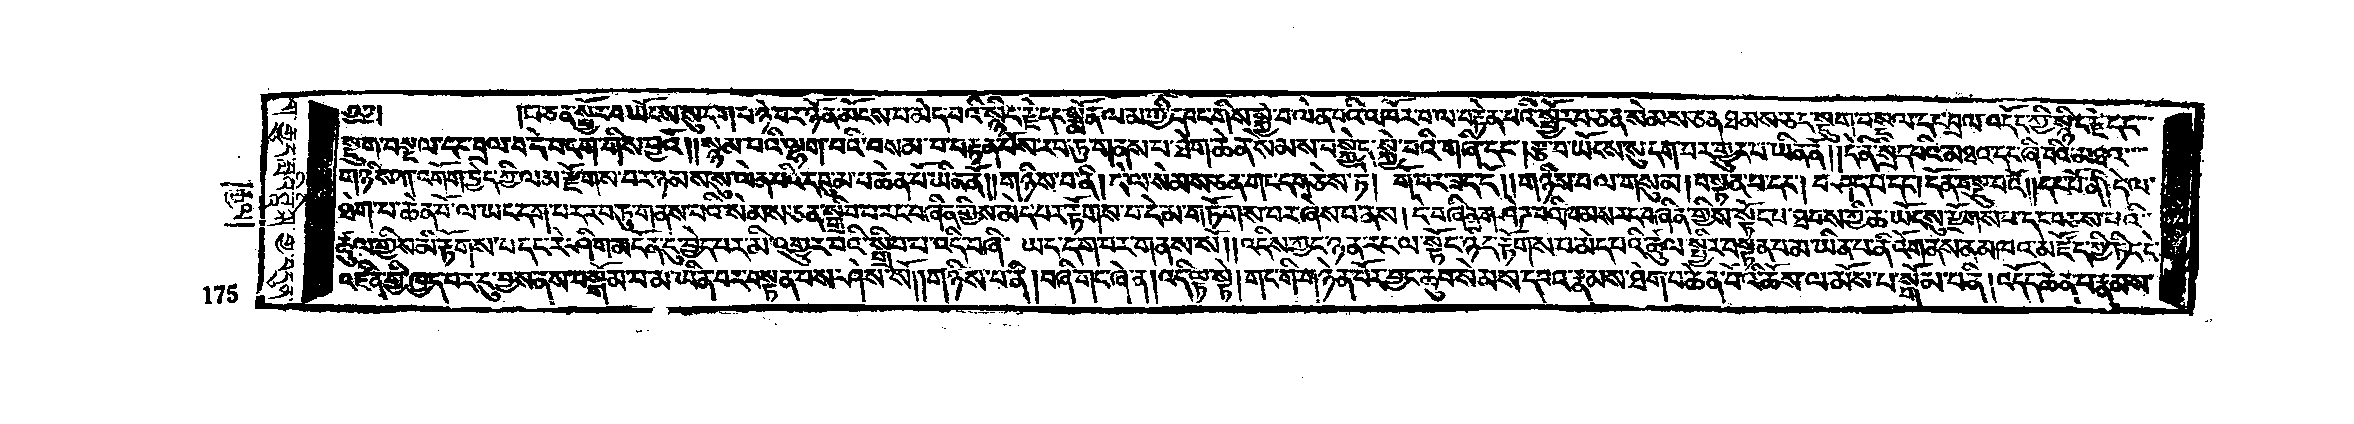༄༅། །པ་ཅན་སྦྱོར་བ་ཡོངས་སུ་དག་པ་ཉེ་བར་ཉོན་མོངས་པ་མེད་པའི་སྙིང་རྗེ་དང་སྨོན་ལམ་གྱི་དབང་གིས་སྐྱེ་བ་ལེན་པའི་འཁོར་བ་ལ་བརྟེན་པའི་སྦྱོར་བ་ཅན་སེམས་ཅན་ཐམས་ཅད་སྡུག་བསྔལ་དང་བྲལ་འདོད་ཀྱི་སྙིང་རྗེ་དང་
སྡུག་བསྔལ་དང་བྲལ་བ་དེ་བདག་གིས་བྱའོ། །སྙམ་པའི་ལྷག་པའི་བསམ་པ་བརྟན་པོས་རབ་ཏུ་གནས་པ་ཐེག་ཆེན་སེམས་བསྐྱེད་སྐྱེ་བའི་གཞི་དང་། རྩ་བ་ཡོངས་སུ་དག་པར་གྱུར་པ་ཡིན་ནོ། །དེ་ནི་སྲིད་པའི་མཐའ་དང་ཞི་བའི་མཐའ་
གཉིས་ཀ་འགོག་བྱེད་ཀྱི་ལམ་རྫོགས་པར་ཉམས་སུ་ལེན་པའི་དབུ་མ་པ་ཆེན་པོ་ཡིན་ནོ། །གཉིས་པ་ནི། དེ་ལ་སེམས་ཅན་གང་དག་ཅེས་ཏེ། གོ་བར་ཟད་དོ། །གཉིས་པ་ལ་གསུམ། བསྟན་པ་དང་། བཤད་པ་དང་། དོན་བསྡུ་བའོ། །དང་པོ་ནི། དེ་ལ་
ཐེག་པ་ཆེན་པོ་ལ་ཡང་དག་པར་རབ་ཏུ་གནས་པའི་སེམས་ཅན་སྒྲིབ་པ་རང་བཞིན་གྱིས་མེད་པར་རྟོགས་པ་དེ་མ་གཏོགས་པར་ཞེས་པ་ནས། དེ་བཞིན་གཤེགས་པའི་ཁམས་རང་བཞིན་གྱིས་སྟོང་པ་ཐབས་ཀྱི་ཆ་ཡོངས་སུ་རྫོགས་པ་དང་བཅས་པའི་
ཚུལ་གྱིས་མི་རྟོགས་པ་དང་རེ་ཤིག་མངོན་དུ་བྱེད་པར་མི་འགྱུར་བའི་སྒྲིབ་པ་འདི་བཞི་ཡང་དག་པར་གནས་སོ། །འདིས་ཀྱང་ཉན་རང་ལ་སྟོང་ཉིད་རྟོགས་པ་མེད་པའི་ཚུལ་སྤྱིར་བསྟན་པ་མ་ཡིན་པ་ནི་འོག་ནས་ནམ་མཁའ་མཛོད་ཀྱི་ཏིང་ངེ་
འཛིན་གྱི་ཁྱད་པར་དུ་བྱས་ནས་བསྒོམ་པ་མ་ཡིན་པར་བསྟན་པས་ཤེས་སོ། །གཉིས་པ་ནི། བཞི་གང་ཞེ་ན། འདི་ལྟ་སྟེ། གང་གི་གཉེན་པོར་བྱང་ཆུབ་སེམས་དཔའ་རྣམས་ཐེག་པ་ཆེན་པོའི་ཆོས་ལ་མོས་པ་སྒོམ་པ་ནི། འདོད་ཆེན་པ་རྣམས་